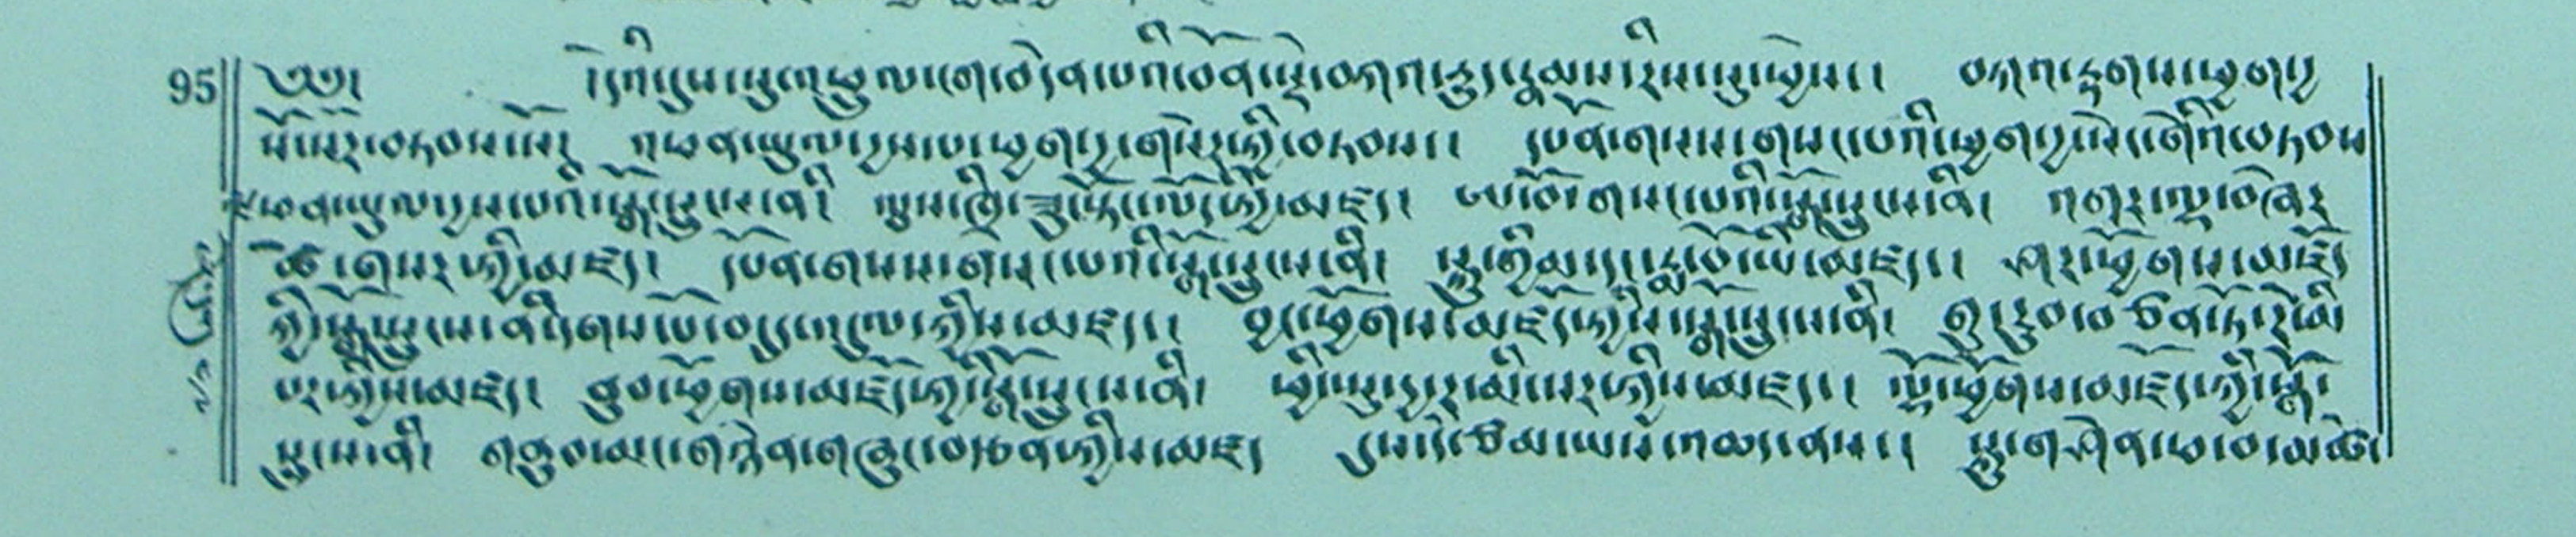༄༅། །དེའི་དུས་སུ་འཕྲུལ་ངག་བདེན་པའི་བོན་སྡེ་བཀའ་རྒྱུད་རྣམས་རིས་སུ་ཕྱེས། བཀའ་རྟགས་ཕྱག་རྒྱ་
སོ་སོར་བཏབས་སོ། །འཕན་ཡུལ་རྒྱས་པ་ཕྱག་རྒྱ་གསེར་གྱིས་བཏབས། དཔོན་གསས་གསང་བའི་ཕྱག་རྒྱ་སེང་གེས་བཏབས། 
ཨ་བོ་གསང་བའི་ཕྱག་རྒྱ་རྨ་བྱས་བཏབས། འཕན་ཡུལ་རྒྱས་པའི་སྒོ་སྲུངས་ནི། ལྕས་ཁྲི་ཟུ་སྟོང་ལོད་ཀྱིས་མཛད། ཨ་བོ་གསང་བའི་སྒོ་སྲུངས་ནི། འགུར་ལྷ་བཞེར་
ཚེ་གསར་གྱིས་མཛད། དཔོན་གསས་གསང་བའི་སྒོ་སྲུངས་ནི། སྐུ་གྱིམ་དང་རྨ་བོ་ཡིས་མཛད། ཤར་ཕྱོགས་མཛོད་
ཀྱི་སྒོ་སྲུངས་ནི། དྭགས་པོ་བདུད་འདུལ་གྱིས་མཛད། བྱང་ཕྱོགས་མཛོད་ཀྱིས་སྒོ་སྲུངས་ནི། གུ་རུབ་བཙན་ཏོ་རེ་མི་
པར་གྱིས་མཛད། ནུབ་ཕྱོགས་མཛོད་ཀྱི་སྒོ་སྲུངས་ནི། ཕྱི་སྤུ་རྒྱ་ར་མི་སར་གྱིས་མཛད། ལྷོ་ཕྱོགས་མཛོད་ཀྱི་སྒོ་
སྲུངས་ནི། གནུབ་མང་གཉེན་གཞུང་བཙན་གྱིས་མཛད། དུས་དེ་ཙམ་ཡས་ཆད་ནས། སྐུ་གཤེན་ཕ་བ་མཚེ་